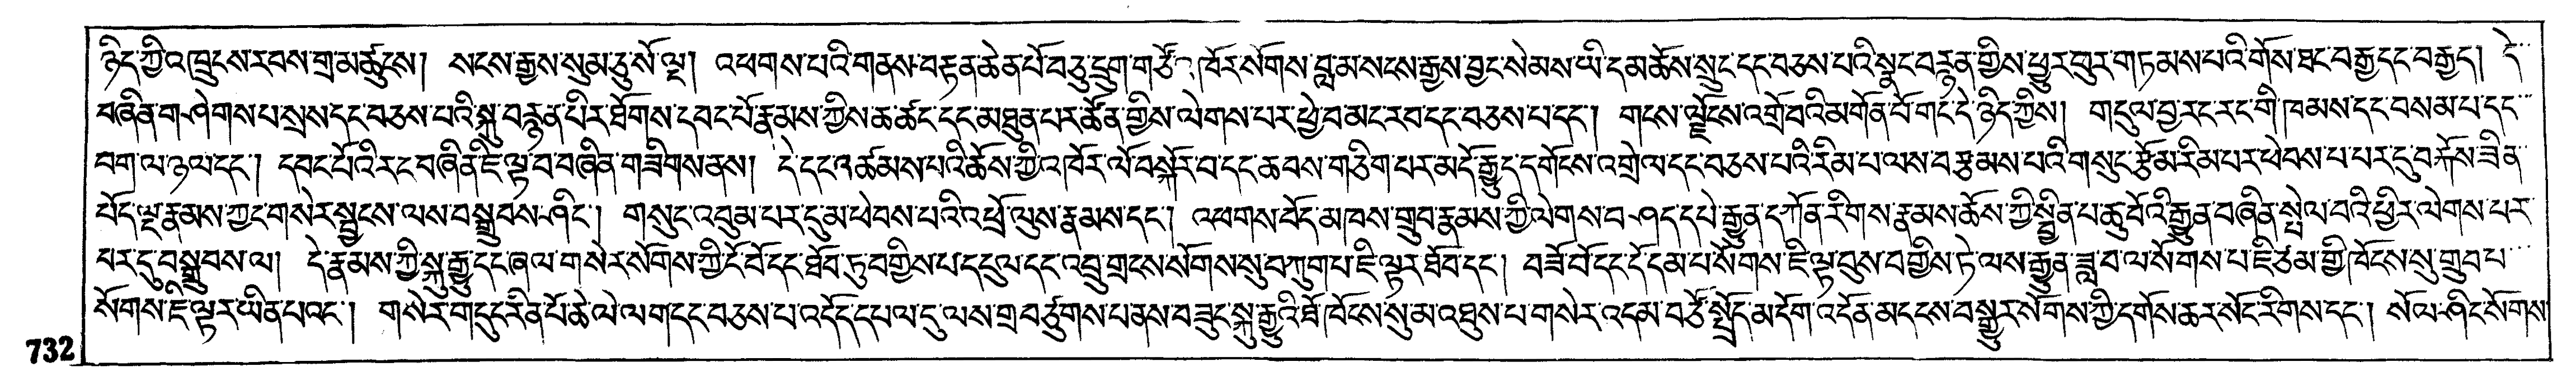ཉིད་ཀྱི་འཁྲུངས་རབས་གྲ་མཚུངས། སངས་རྒྱས་སུམ་ཅུ་སོ་ལྔ། འཕགས་པའི་གནས་བརྟན་ཆེན་པོ་བཅུ་དྲུག་གཙོ་འཁོར་སོགས་བླ་མ་སངས་རྒྱས་བྱང་སེམས་ཡི་དམ་ཆོས་སྲུང་དང་བཅས་པའི་སྣང་བརྙན་གྱིས་ཕྱུར་བུར་གཏམས་པའི་གོས་ཐང་བརྒྱ་དང་བརྒྱད། དེ་
བཞིན་གཤེགས་པ་སྲས་དང་བཅས་པའི་སྐུ་བརྙན་པིར་ཐོགས་དབང་པོ་རྣམས་ཀྱིས་ཆ་ཚད་དང་མཐུན་པར་ཚོན་གྱིས་ལེགས་པར་ཕྱེ་བ་མང་རབ་དང་བཅས་པ་དང་། གངས་ལྗོངས་འགྲོ་བའི་མགོན་པོ་གང་དེ་ཉིད་ཀྱིས། གདུལ་བྱ་རང་རང་གི་ཁམས་དང་བསམ་པ་དང་
བག་ལ་ཉལ་དང་། དབང་པོའི་རང་བཞིན་ཇི་ལྟ་བ་བཞིན་གཟིགས་ནས། དེ་དང་འཚམས་པའི་ཆོས་ཀྱི་འཁོར་ལོ་བསྐོར་བ་དང་ཆབས་གཅིག་པར་མདོ་རྒྱུད་དགོངས་འགྲེལ་དང་བཅས་པའི་རིམ་པ་ལས་བརྩམས་པའི་གསུང་རྩོམ་རིམ་པར་ཕེབས་པ་བར་དུ་བརྐོས་ཟིན་
པོད་ལྔ་རྣམས་ཀྱང་གསེར་སྦྱངས་ལས་བསྒྲུབས་ཤིང་། གསུང་འབུམ་པར་དུ་མ་ཕེབས་པའི་འཕྲོ་ལུས་རྣམས་དང་། འཕགས་བོད་མཁས་གྲུབ་རྣམས་ཀྱི་ལེགས་བཤད་དཔེ་རྒྱུན་དཀོན་རིགས་རྣམས་ཆོས་ཀྱི་སྦྱིན་པ་ཆུ་བོའི་རྒྱུན་བཞིན་སྤེལ་བའི་ཕྱིར་ལེགས་པར་
པར་དུ་བསྲུབས་ལ། དེ་རྣམས་ཀྱི་སྐུ་རྒྱུ་དང་ཞལ་གསེར་སོགས་ཀྱི་ངོ་བོ་དང་ཐོབ་ཏུ་བགྱིས་པ་དངུལ་དང་འབྲུ་གྲངས་སོགས་སུ་བཀུག་པ་ཇི་ལྟར་ཐོབ་དང་། བཟོ་བོ་དང་དོ་དམ་པ་སོགས་ཇི་ལྟ་བུས་བགྱིས་ཏེ་ལས་རྒྱུན་ཟླ་བ་ལ་སོགས་པ་ཇི་ཙམ་གྱིས་ཁོངས་སུ་གྲུབ་པ་
སོགས་ཇི་ལྟར་ཡིན་པའང་། གསེར་གདུང་རིན་པོ་ཆེ་ལེ་ལག་དང་བཅས་པ་འདོད་དཔལ་དུ་ལས་གྲ་བཙུགས་པ་ནས་བཟུང་སྐུ་རྒྱུའི་ཐོ་ཁོངས་སུ་མ་འཐུས་པ་གསེར་འདམ་བཙོ་སྤྲོད་མདོག་འདོན་མདངས་བསྒྱུར་སོགས་ཀྱི་དགོས་ཆར་སོང་རིགས་དང་། སོལ་ཤིང་སོགས་